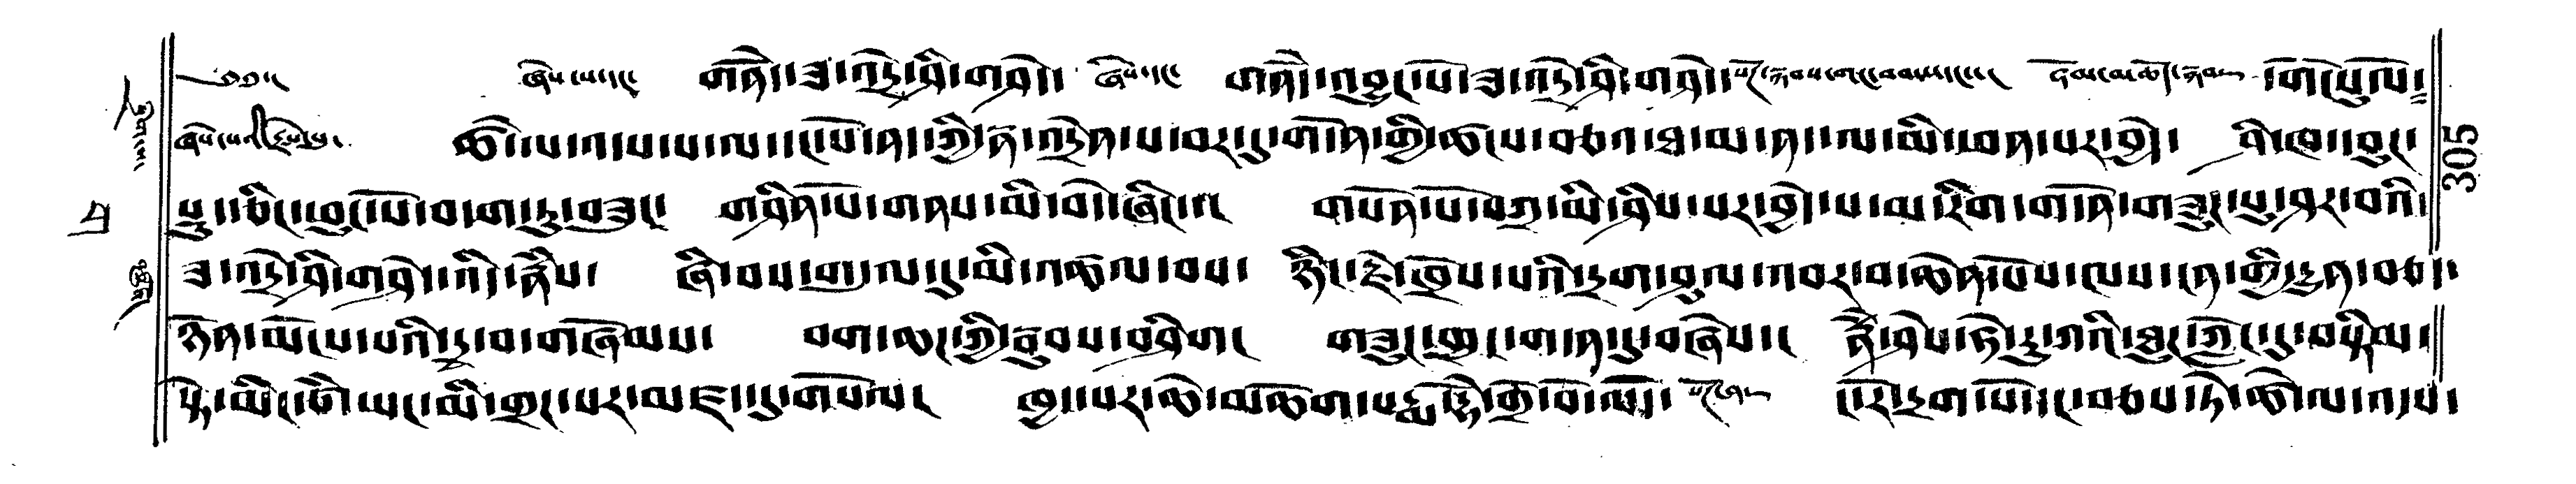ཞེས་པ་དང་། གནོད་བྱེད་ཟ་འདྲེ་ཤི་གཤེད་ཞེས་དང་། གནོད་བྱེད་འབྱུང་པོ་ཟ་འདྲེ་ཤི་གཤེད་སོགས་སྐབས་གང་བབས་དང་། ཧོམ་མཆོད་སྐབས། དགོངས་སུ་གསོལ༴ 
ཞེས་པའི་རྗེས་སུ། ཚེ་ལས་འདས་པ་ལ་དང་པོ་ནད་ཀྱི་སྣ་འདྲེན་པ། བར་དུ་གདོན་གྱི་ཚང་བཅའ་བ། ཐ་མ་ནད་ལ་མི་ཕན་པར་བྱེད་པ། ཤི་ཁར་དབུགས་
སྡུད་ཅིང་ཕུང་པོ་ལ་བདག་ཏུ་བཟུང་པ། གཤིན་པོ་གནས་མི་བདེ་ཞིང་གསོན་པོ་བཀྲ་མི་ཤིས་པར་བྱེད་པ་མ་རིག་གདོན་གཟུགས་སུ་ཤར་བའི་
ཟ་འདྲེ་ཤི་གཤེད་འདི་རྣམས། ཞི་བས་གདུལ་དུ་མི་འཚལ་བས་སྙིང་རྗེ་ཁྲོས་པའི་དྲག་ཤུལ་འབར་བ་ཆེན་པོས་ལས་ངན་གྱི་རྒྱུན་བཅད། 
ཉོན་མོངས་པའི་དྲྭ་བ་གཞོམས། བག་ཆགས་ཀྱི་སྦུབས་བཤིག གཟུགས་ཕུང་གདན་དུ་བཞེས། རྣམ་ཤེས་ཧེ་རུ་ཀའི་ཐུགས་ཀློང་དུ་བསྟིམ་
སྟེ་མིང་ཙམ་ཡང་མི་གྲགས་པར་མཛད་དུ་གསོལ། ཁྱད་པར་ཆེ་མཆོག་པདྨ་རྡོ་རྗེ་གྲོ་བོ་ལོད་སོགས་ནས། ང་རོ་དྲག་པོ་དང་བཅས་ཏེ་ཚེ་ལ་འདས་